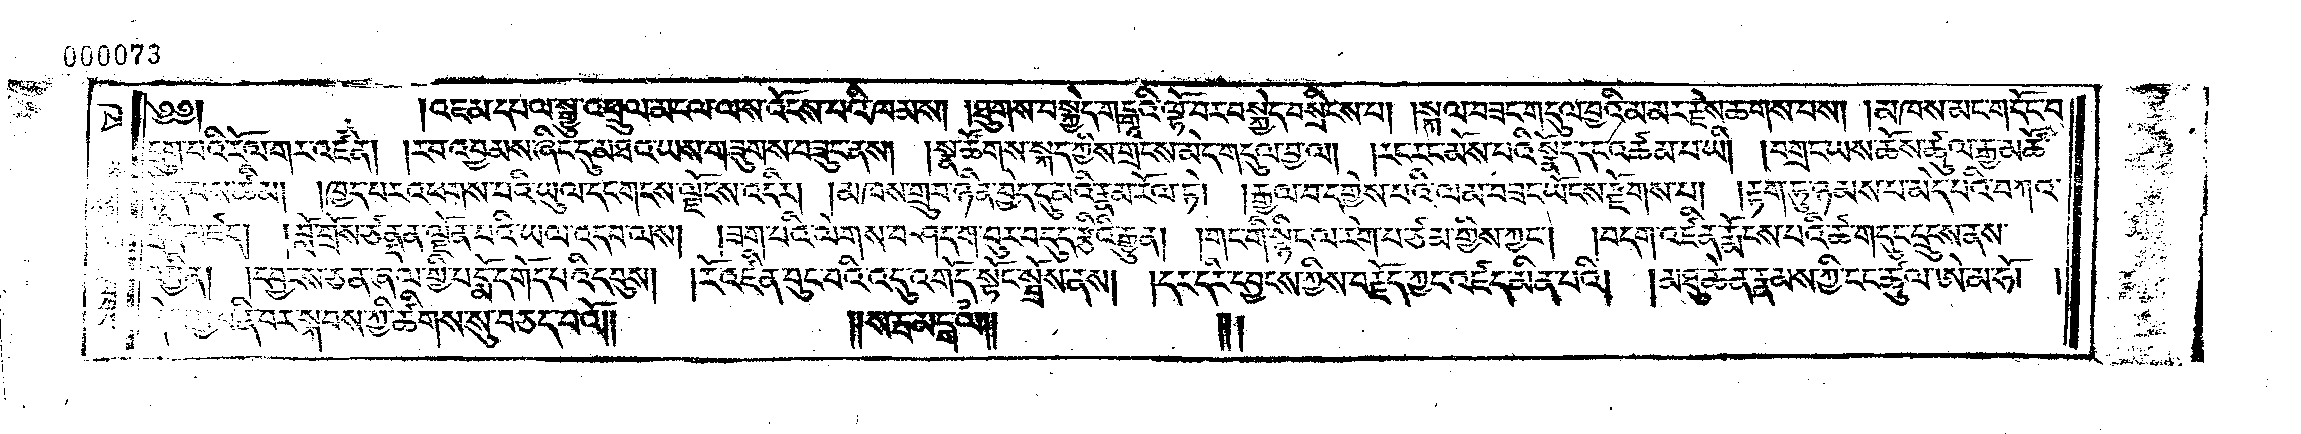༄༅། །འཇམ་དཔལ་སྒྱུ་འཕྲུལ་མངལ་ལས་འོངས་པའི་ཁམས། །ཐུགས་བསྐྱེད་གངྒཱའི་ལྷོ་བར་བསྐྱེད་བསྲིངས་པ། །སྐལ་བཟང་གདུལ་བྱའི་མ་མར་རྗེས་ཆགས་པས། །མཁས་མང་གདོང་བ་
དྲུག་པའི་རོལ་གར་འཛིན། །རབ་འབྱམས་ཞིང་དུ་མཐའ་ཡས་གཟུགས་བཟུང་ནས། །སྣ་ཚོགས་སྐད་ཀྱིས་གྲངས་མེད་གདུལ་བྱ་ལ། །རང་རང་མོས་པའི་སྣོད་དང་འཚམ་པ་ཡི། །བགྲང་ཡས་ཆོས་ཚུལ་རྒྱ་མཚོ་
སྟོན་པས་ཚིམ། །ཁྱད་པར་འཕགས་པའི་ཡུལ་དང་གངས་ལྗོངས་འདིར། །མཁས་གྲུབ་ཉིན་བྱེད་དུ་མའི་རྣམ་རོལ་ཏེ། །རྒྱལ་བ་དགྱེས་པའི་ལམ་བཟང་ཡོངས་རྫོགས་པ། །རྟག་ཏུ་ཉམས་པ་མེད་པའི་བཀའ་
དྲིན་མཛད། །བློ་གྲོས་ཙནྡན་ལྗོན་པའི་ཡལ་འདབ་ལས། །ཟག་པའི་ལེགས་བཤད་ག་བུར་བདུད་རྩིའི་རྒྱུན། །གང་གི་སྙིང་ལ་རེག་པ་ཙམ་གྱིས་ཀྱང་། །བདག་འཛིན་རྨོངས་པའི་ཚ་གདུང་དྲུངས་ནས་
འབྱིན། །དབྱངས་ཅན་ཞལ་གྱི་པདམོ་དགོད་པའི་དབུས། །རོ་འཛིན་བུང་བའི་འདུ་འགོད་སྟོང་སྤྲོས་ནས། །དར་དིར་དབྱངས་ཀྱིས་བརྗོད་ཀྱང་འཛད་མིན་པའི། །མཐུ་ཆེན་རྣམས་ཀྱི་ངང་ཚུལ་ཨེ་མ་ཧོ། །
ཞེས་བྱ་བ་ནི་བར་སྐབས་ཀྱི་ཚིགས་སུ་བཅད་པའོ།། །།སརྦ་མངྒ་ལཾ།། །།།